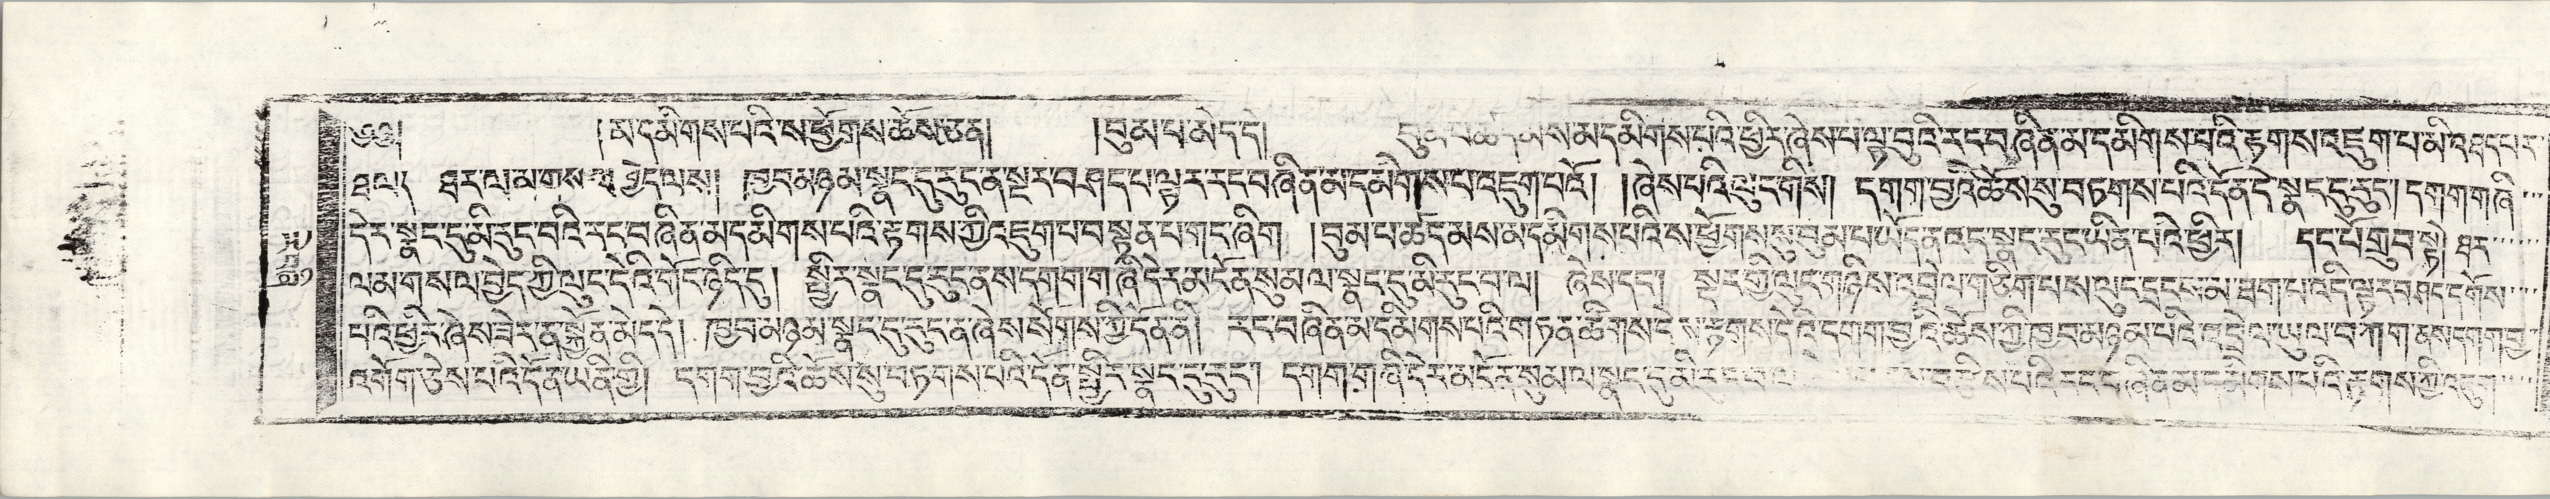༄༅། །མ་དམིགས་པའི་ས་ཕྱོགས་ཆོས་ཅན། །བུམ་པ་མེད་དེ། བུམ་པ་ཚད་མས་མ་དམིགས་པའི་ཕྱིར་ཞེས་པ་ལྟ་བུའི་རང་བཞིན་མ་དམིགས་པའི་རྟགས་འཇུག་པ་མི་འཐད་པར་
ཐལ། ཐར་ལམ་གསལ་བྱེད་ལས། ཁྱབ་མཉམ་སྣང་དུ་རུང་ན་སྔར་བཤད་པ་ལྟར་རང་བཞིན་མ་དམིགས་པ་འཇུག་པའོ། །ཞེས་པའི་ལུང་གིས། དགག་བྱའི་ཆོས་སུ་བཏགས་པའི་དོན་དེ་སྣང་དུ་རུང་། དགག་གཞི་
དེར་སྣང་དུ་མི་རུང་བའི་རང་བཞིན་མ་དམིགས་པའི་རྟགས་ཀྱི་འཇུག་པ་བསྟན་པ་གང་ཞིག །བུམ་པ་ཚད་མས་མ་དམིགས་པའི་ས་ཕྱོགས་སུ་བུམ་པ་ཡོད་ནའང་སྣང་རུང་ཡིན་པའི་ཕྱིར། དང་པོ་གྲུབ་སྟེ། ཐར་
ལམ་གསལ་བྱེད་ཀྱི་ལུང་དེའི་གོང་ཉིད་དུ། སྤྱིར་སྣང་དུ་རུང་ནས་དགག་གཞི་དེར་མངོན་སུམ་ལ་སྣང་དུ་མི་རུང་བ་ལ། ཞེས་དང་། སྔར་གྱི་ལུང་གཉིས་འབྲེལ་གཅིག་པས་ལུང་དྲངས་མ་ཐག་པ་འདི་ལྟར་བཤད་དགོས་
པའི་ཕྱིར་ཞེས་ཟེར་ན་སྐྱོན་མེད་དེ། ཁྱབ་མཉམ་སྣང་དུ་རུང་ན་ཞེས་སོགས་ཀྱི་དོན་ནི། རང་བཞིན་མ་དམིགས་པའི་གཏན་ཚིགས་དེས་རྟགས་དེའི་དགག་བྱའི་ཆོས་ཀྱི་ཁྱབ་མཉམ་པའི་འབྲེལ་ཡུལ་བཀག་ནས་དགག་བྱ་
འགོག་ཅེས་པའི་དོན་ཡིན་གྱི། དགག་བྱའི་ཆོས་སུ་བཏགས་པའི་དོན་སྤྱིར་སྣང་དུ་རུང་། དགག་གཞི་དེར་མངོན་སུམ་ལ་སྣང་དུ་མི་རུང་བ་ལ་ཞེས་པ་ནས་བརྩིས་པའི་རང་བཞིན་མ་དམིགས་པའི་རྟགས་ཀྱི་འཇུག་